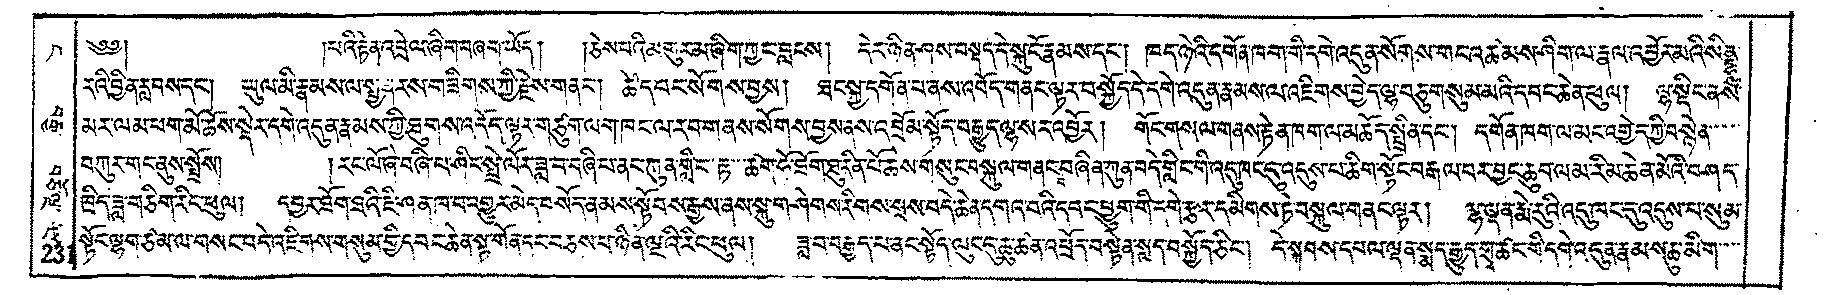༄༅། །པའི་རྟེན་འབྲེལ་ཞིག་བཞག་ཡོད། །ཅེས་པའི་མགུར་མ་ཞིག་ཀྱང་བླངས། དེར་ཉིན་ཤས་བསྡད་དེ་སྐུ་ངོ་རྣམས་དང་། ཁད་ཉེའི་དགོན་ཁག་གི་དགེ་འདུན་སོགས་གང་འཚམས་ཤིག་ལ་རྣལ་འབྱོར་མའི་སིནྡྷཱུ་
རའི་བྱིན་རླབས་དང་། ཡུལ་མི་རྣམས་ལ་སྤྱན་རས་གཟིགས་ཀྱི་རྗེས་གནང་། ཚེ་དབང་སོགས་བྱས། ཐང་སྐྱ་དགོན་པ་ནས་འབོད་གནང་ལྟར་བསྐྱོད་དེ་དགེ་འདུན་རྣམས་ལ་འཇིགས་བྱེད་ལྷ་བཅུ་གསུམ་མའི་དབང་ཆེན་ཕུལ། ལྷ་སྡིང་ནས་
མར་ལམ་ཕག་མོ་ཆོས་སྡེར་དགེ་འདུན་རྣམས་ཀྱི་ཐུགས་འདོད་ལྟར་གཙུག་ལག་ཁང་ལ་རབ་གནས་སོགས་བྱས་ནས་འབྲོམ་སྟོད་བརྒྱུད་ལྷ་སར་འབྱོར། གོང་གསལ་གནས་རྟེན་ཁག་ལ་མཆོད་སྤྲིན་དང་། དགོན་ཁག་ལ་མང་འགྱེད་ཀྱི་བསྙེན་
བཀུར་གང་ནུས་སྤྲོས། །རང་ལོ་ཞེ་བཞི་པ་ཤིང་སྤྲེ་ལོར་ཟླ་བ་བཞི་པ་ནང་ཀུན་གླིང་རྟ་ཚག་ཧོ་ཐོག་ཐུ་རིན་པོ་ཆེས་གསུང་བསྐུལ་གནང་བ་བཞིན་ཀུན་བདེ་གླིང་གི་འདུ་ཁང་དུ་འདུས་པ་ཆིག་སྟོང་བརྒལ་བར་བྱང་ཆུབ་ལམ་རིམ་ཆེན་མོའི་བཤད་
ཁྲིད་ཟླ་གཅིག་དུང་ཕུལ། དབྱར་ཐོག་ཐའི་ཇི་ཤན་ཁ་པ་འགྱུར་མེད་བསོད་ནམས་སྟོབས་རྒྱས་ནས་སྐུ་གཤེགས་རིགས་སྲས་བདེ་ཆེན་དགའ་བའི་དབང་ཕྱུག་གི་དགེ་རྩར་དམིགས་ཏེ་བསྐུལ་གནང་ལྟར། ལྷ་ལྡན་རྨེ་རུའི་འདུ་ཁང་དུ་འདུས་པ་སུམ་
སྟོང་ལྷག་ཙམ་ལ་གསང་བདེ་འཇིགས་གསུམ་གྱི་དབང་ཆེན་སྟ་གོན་དང་བཅས་པ་ཉིན་ལྔའི་རིང་ཕུལ། ཟླ་བ་བརྒྱད་པ་ནང་སྟོད་ལུང་དུ་ཆུ་ཚན་འཕྲོད་བསྟེན་སླད་བསྐྱོད་ཅིང་། དེ་སྐབས་དཔལ་ལྡན་སྨད་རྒྱུད་གྲྭ་ཚང་གི་དགེ་འདུན་རྣམས་ཆུ་མིག་